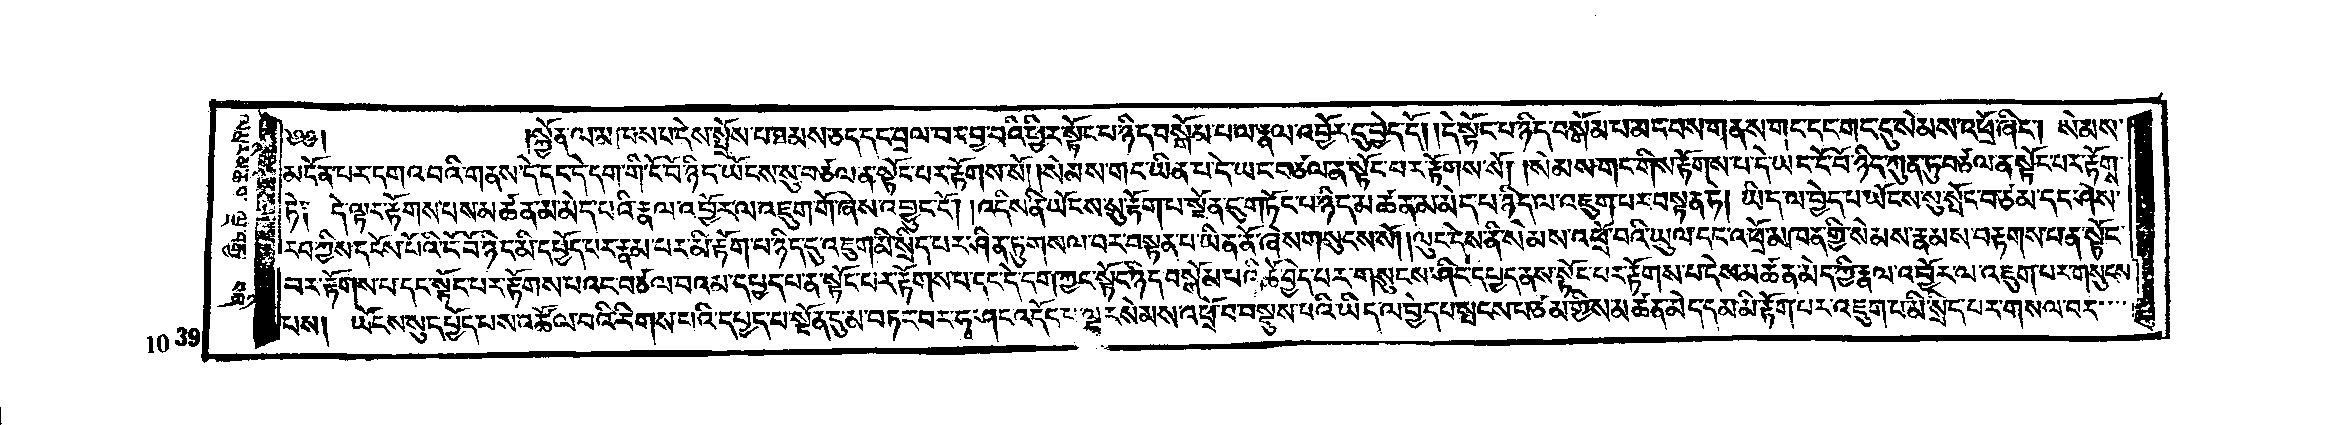༄༅། །སྐྱོན་ལ་མཁས་པ་དེས་སྤྲོས་པ་ཐམས་ཅད་དང་བྲལ་བར་བྱ་བའི་ཕྱིར་སྟོང་པ་ཉིད་བསྒོམ་པ་ལ་རྣལ་འབྱོར་དུ་བྱེད་དོ། །དེ་སྟོང་པ་ཉིད་བསྒོམ་པ་མང་བས་གནས་གང་དང་གང་དུ་སེམས་འཕྲོ་ཞིང་། སེམས་
མངོན་པར་དགའ་བའི་གནས་དེ་དང་དེ་དག་གི་ངོ་བོ་ཉིད་ཡོངས་སུ་བཙལ་ན་སྟོང་པར་རྟོགས་སོ། །སེམས་གང་ཡིན་པ་དེ་ཡང་བཙལ་ན་སྟོང་པར་རྟོགས་སོ། །སེམས་གང་གིས་རྟོགས་པ་དེ་ཡང་ངོ་བོ་ཉིད་ཀུན་ཏུ་བཙལ་ན་སྟོང་པར་རྟོགས་
ཏེ༑ དེ་ལྟར་རྟོགས་པས་མཚན་མ་མེད་པའི་རྣལ་འབྱོར་ལ་འཇུག་གོ་ཞེས་འབྱུང་ངོ། །འདིས་ནི་ཡོངས་སུ་རྟོག་པ་སྔོན་དུ་གཏོང་བ་ཉིད་མཚན་མ་མེད་པ་ཉིད་ལ་འཇུག་པར་བསྟན་ཏེ། ཡིད་ལ་བྱེད་པ་ཡོངས་སུ་སྤོང་བ་ཙམ་དང་ཤེས་
རབ་ཀྱིས་དངོས་པོའི་ངོ་བོ་ཉིད་མི་དཔྱོད་པར་རྣམ་པར་མི་རྟོག་པ་ཉིད་དུ་འཇུག་མི་སྲིད་པར་ཤིན་ཏུ་གསལ་བར་བསྟན་པ་ཡིན་ནོ་ཞེས་གསུངས་སོ། །ལུང་དེས་ནི་སེམས་འཕྲོ་བའི་ཡུལ་དང་འཕྲོ་མཁན་གྱི་སེམས་རྣམས་བརྟགས་པ་ན་སྟོང་
པར་རྟོགས་པ་དང་སྟོང་པར་རྟོགས་པའང་བཙལ་བའམ་དཔྱད་པ་ན་སྟོང་པར་རྟོགས་པ་དང་དེ་དག་ཀྱང་སྟོང་ཉིད་བསྒོམ་པའི་ཚེ་བྱེད་པར་གསུངས་ཤིང་དཔྱད་ནས་སྟོང་པར་རྟོགས་པ་དེས་མཚན་མེད་ཀྱི་རྣལ་འབྱོར་ལ་འཇུག་པར་གསུངས་
པས༑ ཡོངས་སུ་དཔྱོད་པས་འཚོལ་བའི་རིགས་པའི་དཔྱད་པ་སྔོན་དུ་མ་བཏང་བར་ཧྭ་ཤང་འདོད་པ་ལྟར་སེམས་འཕྲོ་བ་བསྡུས་པའི་ཡིད་ལ་བྱེད་པ་སྤངས་པ་ཙམ་གྱིས་མཚན་མེད་དམ་མི་རྟོག་པར་འཇུག་པ་མི་སྲིད་པར་གསལ་བར་